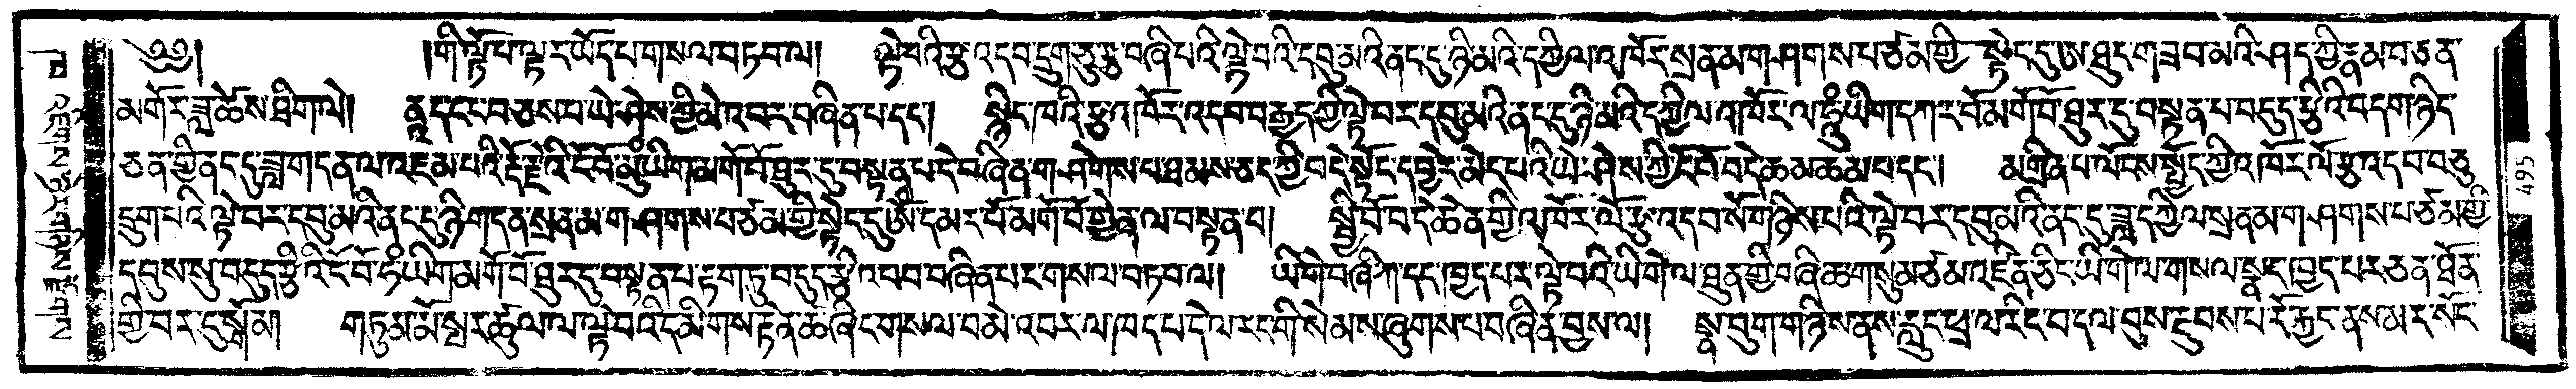༄༅། །གི་ལྟོ་པ་ལྟར་ཡོད་པ་གསལ་བཏབ་ལ། ལྟེ་བའི་རྩ་འདབ་དྲུག་ཅུ་རྩ་བཞི་པའི་ལྟེ་བའི་དབུ་མའི་ནང་དུ་ཉི་མའི་དཀྱིལ་འཁོར་སྲན་མ་གཤགས་པ་ཙམ་གྱི་སྟེང་དུ་ཨ་ཐུང་གཟབ་མའི་ཤད་ཀྱི་རྣམ་པ་ཅན་
མགོར་ཟླ་ཚེས་ཐིག་ལེ། ནཱ་ད་དང་བཅས་པ་ཡེ་ཤེས་ཀྱི་མེ་འབར་བཞིན་པ་དང་། སྙིང་ཁའི་རྩ་འཁོར་འདབ་བརྒྱད་ཀྱི་ལྟེ་བར་དབུ་མའི་ནང་དུ་ཉི་མའི་དཀྱིལ་འཁོར་ལ་ཧཱུཾ་ཡིག་དཀར་པོ་མགོ་བོ་ཐུར་དུ་བསྟན་པ་བདུད་རྩིའི་བདག་ཉིད་
ཅན་གྱི་ནང་དུ་ཟླ་གདན་ལ་འཇམ་པའི་རྡོ་རྗེའི་ངོ་བོ་མུཾ་ཡིག་མགོ་བོ་ཐུར་དུ་བསྟན་པ་དེ་བཞིན་གཤེགས་པ་ཐམས་ཅད་ཀྱི་བདེ་སྟོང་དབྱེར་མེད་པའི་ཡེ་ཤེས་ཀྱི་ངོ་བོ་བདེ་ཆམ་ཆམ་པ་དང་། མགྲིན་པ་ལོངས་སྤྱོད་ཀྱི་འཁོར་ལོ་རྩ་འདབ་བཅུ་
དྲུག་པའི་ལྟེ་བར་དབུ་མའི་ནང་དུ་ཉི་གདན་སྲན་མ་གཤགས་པ་ཙམ་གྱི་སྟེང་དུ་ཨོཾ་དམར་པོ་མགོ་བོ་གྱེན་ལ་བསྟན་བ། སྤྱི་བོ་བདེ་ཆེན་གྱི་འཁོར་ལོ་རྩ་འདབ་སོ་གཉིས་པའི་ལྟེ་བར་དབུ་མའི་ནང་དུ་ཟླ་དཀྱིལ་སྲན་མ་གཤགས་པ་ཙམ་གྱི་
དབུས་སུ་བདུད་རྩིའི་ངོ་བོ་ཧཾ་ཡིག་མགོ་བོ་ཐུར་དུ་བསྟན་པ་རྟག་ཏུ་བདུད་རྩི་འབབ་བཞིན་པར་གསལ་བཏབ་ལ། ཡི་གེ་བཞི་ཀ་དང་ཁྱད་པར་ལྟེ་བའི་ཡི་གེ་ལ་ཐུན་གྱི་བཞི་ཆ་གསུམ་ཙམ་འཛིན་ཅིང་ཡི་གེ་ལ་གསལ་སྣང་ཁྱད་པར་ཅན་ཐོན་
གྱི་བར་དུ་སྒོམ། གཏུམ་མོ་སྤར་ཚུལ་ལ་ལྟེ་བའི་དམིགས་རྟེན་ཚ་ཞིང་གསལ་བ་མེ་འབར་ལ་ཁད་པ་དེ་ལ་རང་གི་སེམས་ཞུགས་པ་བཞིན་བྱས་ལ། སྣ་བུག་གཉིས་ནས་རླུང་ཕྲ་ལ་རིང་བ་དལ་བུས་རྡུབས་པ་རོ་རྐྱང་ནས་མར་སོང་